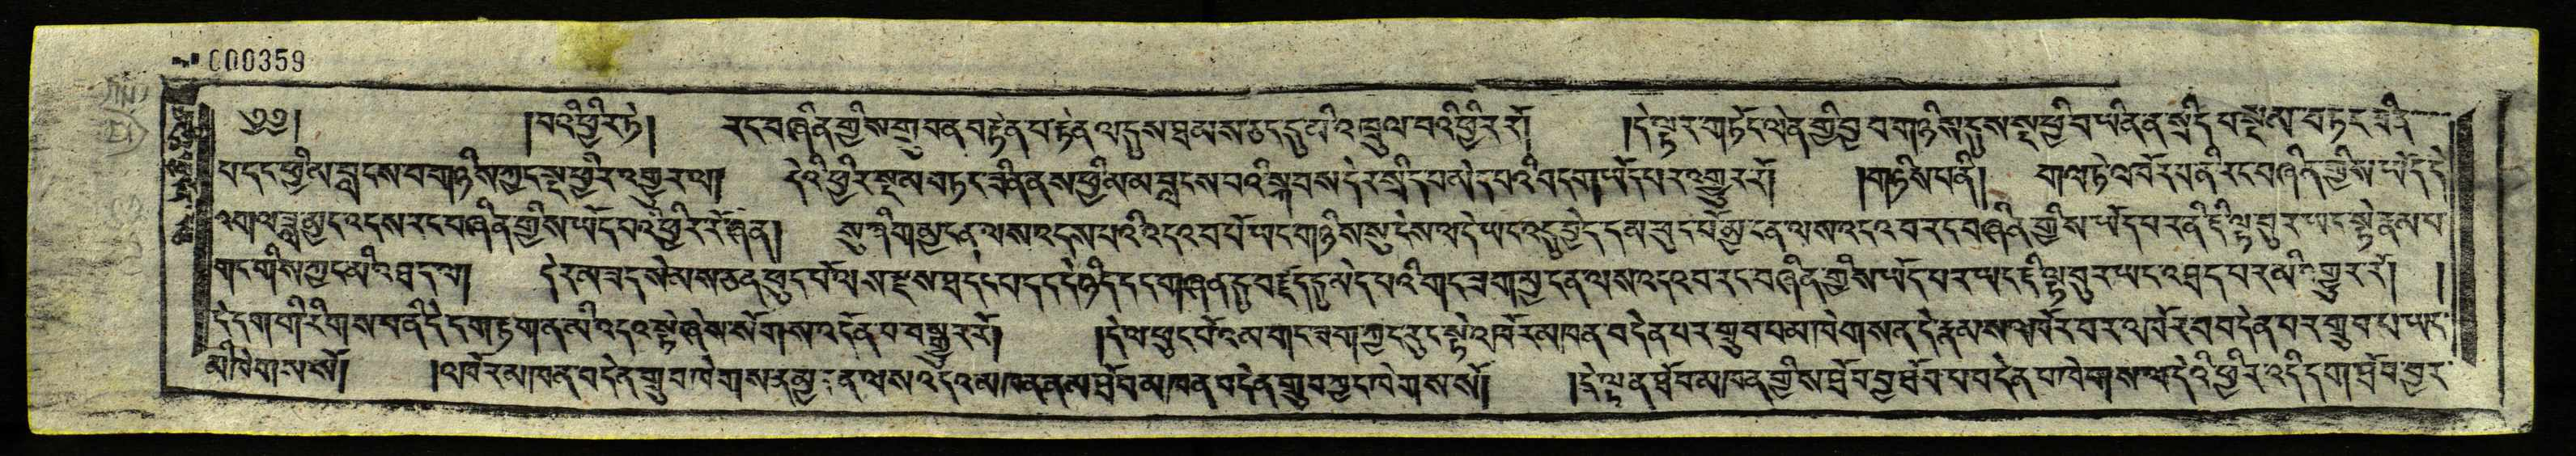༄༅། །པའི་ཕྱིར་ཏེ། རང་བཞིན་གྱིས་གྲུབ་ན་བརྟེན་པ་རྟེན་ལ་དུས་ཐམས་ཅད་དུ་མི་འཁྲུལ་བའི་ཕྱིར་རོ། །དེ་ལྟར་གཏོང་ལེན་གྱི་བྱ་བ་གཉིས་དུས་སྔ་ཕྱི་བ་ཡིན་ན་སྲིད་བ་སྔ་མ་བཏང་ཟིན་
པ་དང་ཕྱི་མ་བླངས་པ་གཉིས་ཀྱང་སྔ་ཕྱིར་འགྱུར་ལ། དེའི་ཕྱིར་སྔ་མ་བཏང་ཟིན་ནས་ཕྱི་མ་མ་བླངས་པའི་སྐབས་དེར་སྲིད་པ་མེད་པའི་བདག་ཡོད་པར་འགྱུར་རོ། །གཉིས་པ་ནི། གལ་ཏེ་འཁོར་བ་ནི་རང་བཞིན་གྱིས་ཡོད་དེ་
འགལ་ཟླ་མྱང་འདས་རང་བཞིན་གྱིས་ཡོད་པའི་ཕྱིར་རོ་ཞེ་ན། སུ་ཞིག་མྱ་ངན་ལས་འདས་པའི་འདའ་བ་པོ་ཡང་གཉིས་སུ་དེས་ལ་དེ་ཡང་འདུ་བྱེད་དམ་ཕུང་པོ་མྱ་ངན་ལས་འདའ་བ་རང་བཞིན་གྱིས་ཡོད་པར་ནི་ཇི་ལྟ་བུར་ཡང་སྟེ་རྣམ་པ་
གང་གིས་ཀྱང་མི་འཐད་ལ། དེར་མ་ཟད་སེམས་ཅན་ཕུང་པོ་ལས་རྫས་ཐ་དད་པ་དང་དེ་ཉིད་དང་གཞན་དུ་བརྗོད་དུ་མེད་པའི་གང་ཟག་མྱ་ངན་ལས་འདའ་བ་རང་བཞིན་གྱིས་ཡོད་པར་ཡང་ཇི་ལྟ་བུར་ཡང་འཐད་པར་མི་འགྱུར་རོ། །
དེ་དག་གི་རིགས་པ་ནི་དེ་དག་རྟག་ན་མི་འདའ་སྟེ་ཞེས་སོགས་འདོན་པ་བསྒྱུར་རོ། །དེ་ལ་ཕུང་པོའམ་གང་ཟག་ཀྱང་རུང་སྟེ་འཁོར་མཁན་བདེན་པར་གྲུབ་པ་མ་ཁེགས་ན་དེ་རྣམས་འཁོར་བར་འཁོར་བ་བདེན་བར་གྲུབ་པ་ཡང་
མི་ཁེགས་སོ། །འཁོར་མཁན་བདེན་གྲུབ་ཁེགས་ན་མྱ་ངན་ལས་འདའ་མཁན་ནམ་ཐོབ་མཁན་བདེན་གྲུབ་ཀྱང་ཁེགས་སོ། །དེ་ལྟ་ན་ཐོབ་མཁན་གྱིས་ཐོབ་བྱ་ཐོབ་པ་བདེན་པ་ཁེགས་ལ་དེའི་ཕྱིར་འདི་དག་ཐོབ་བྱར་